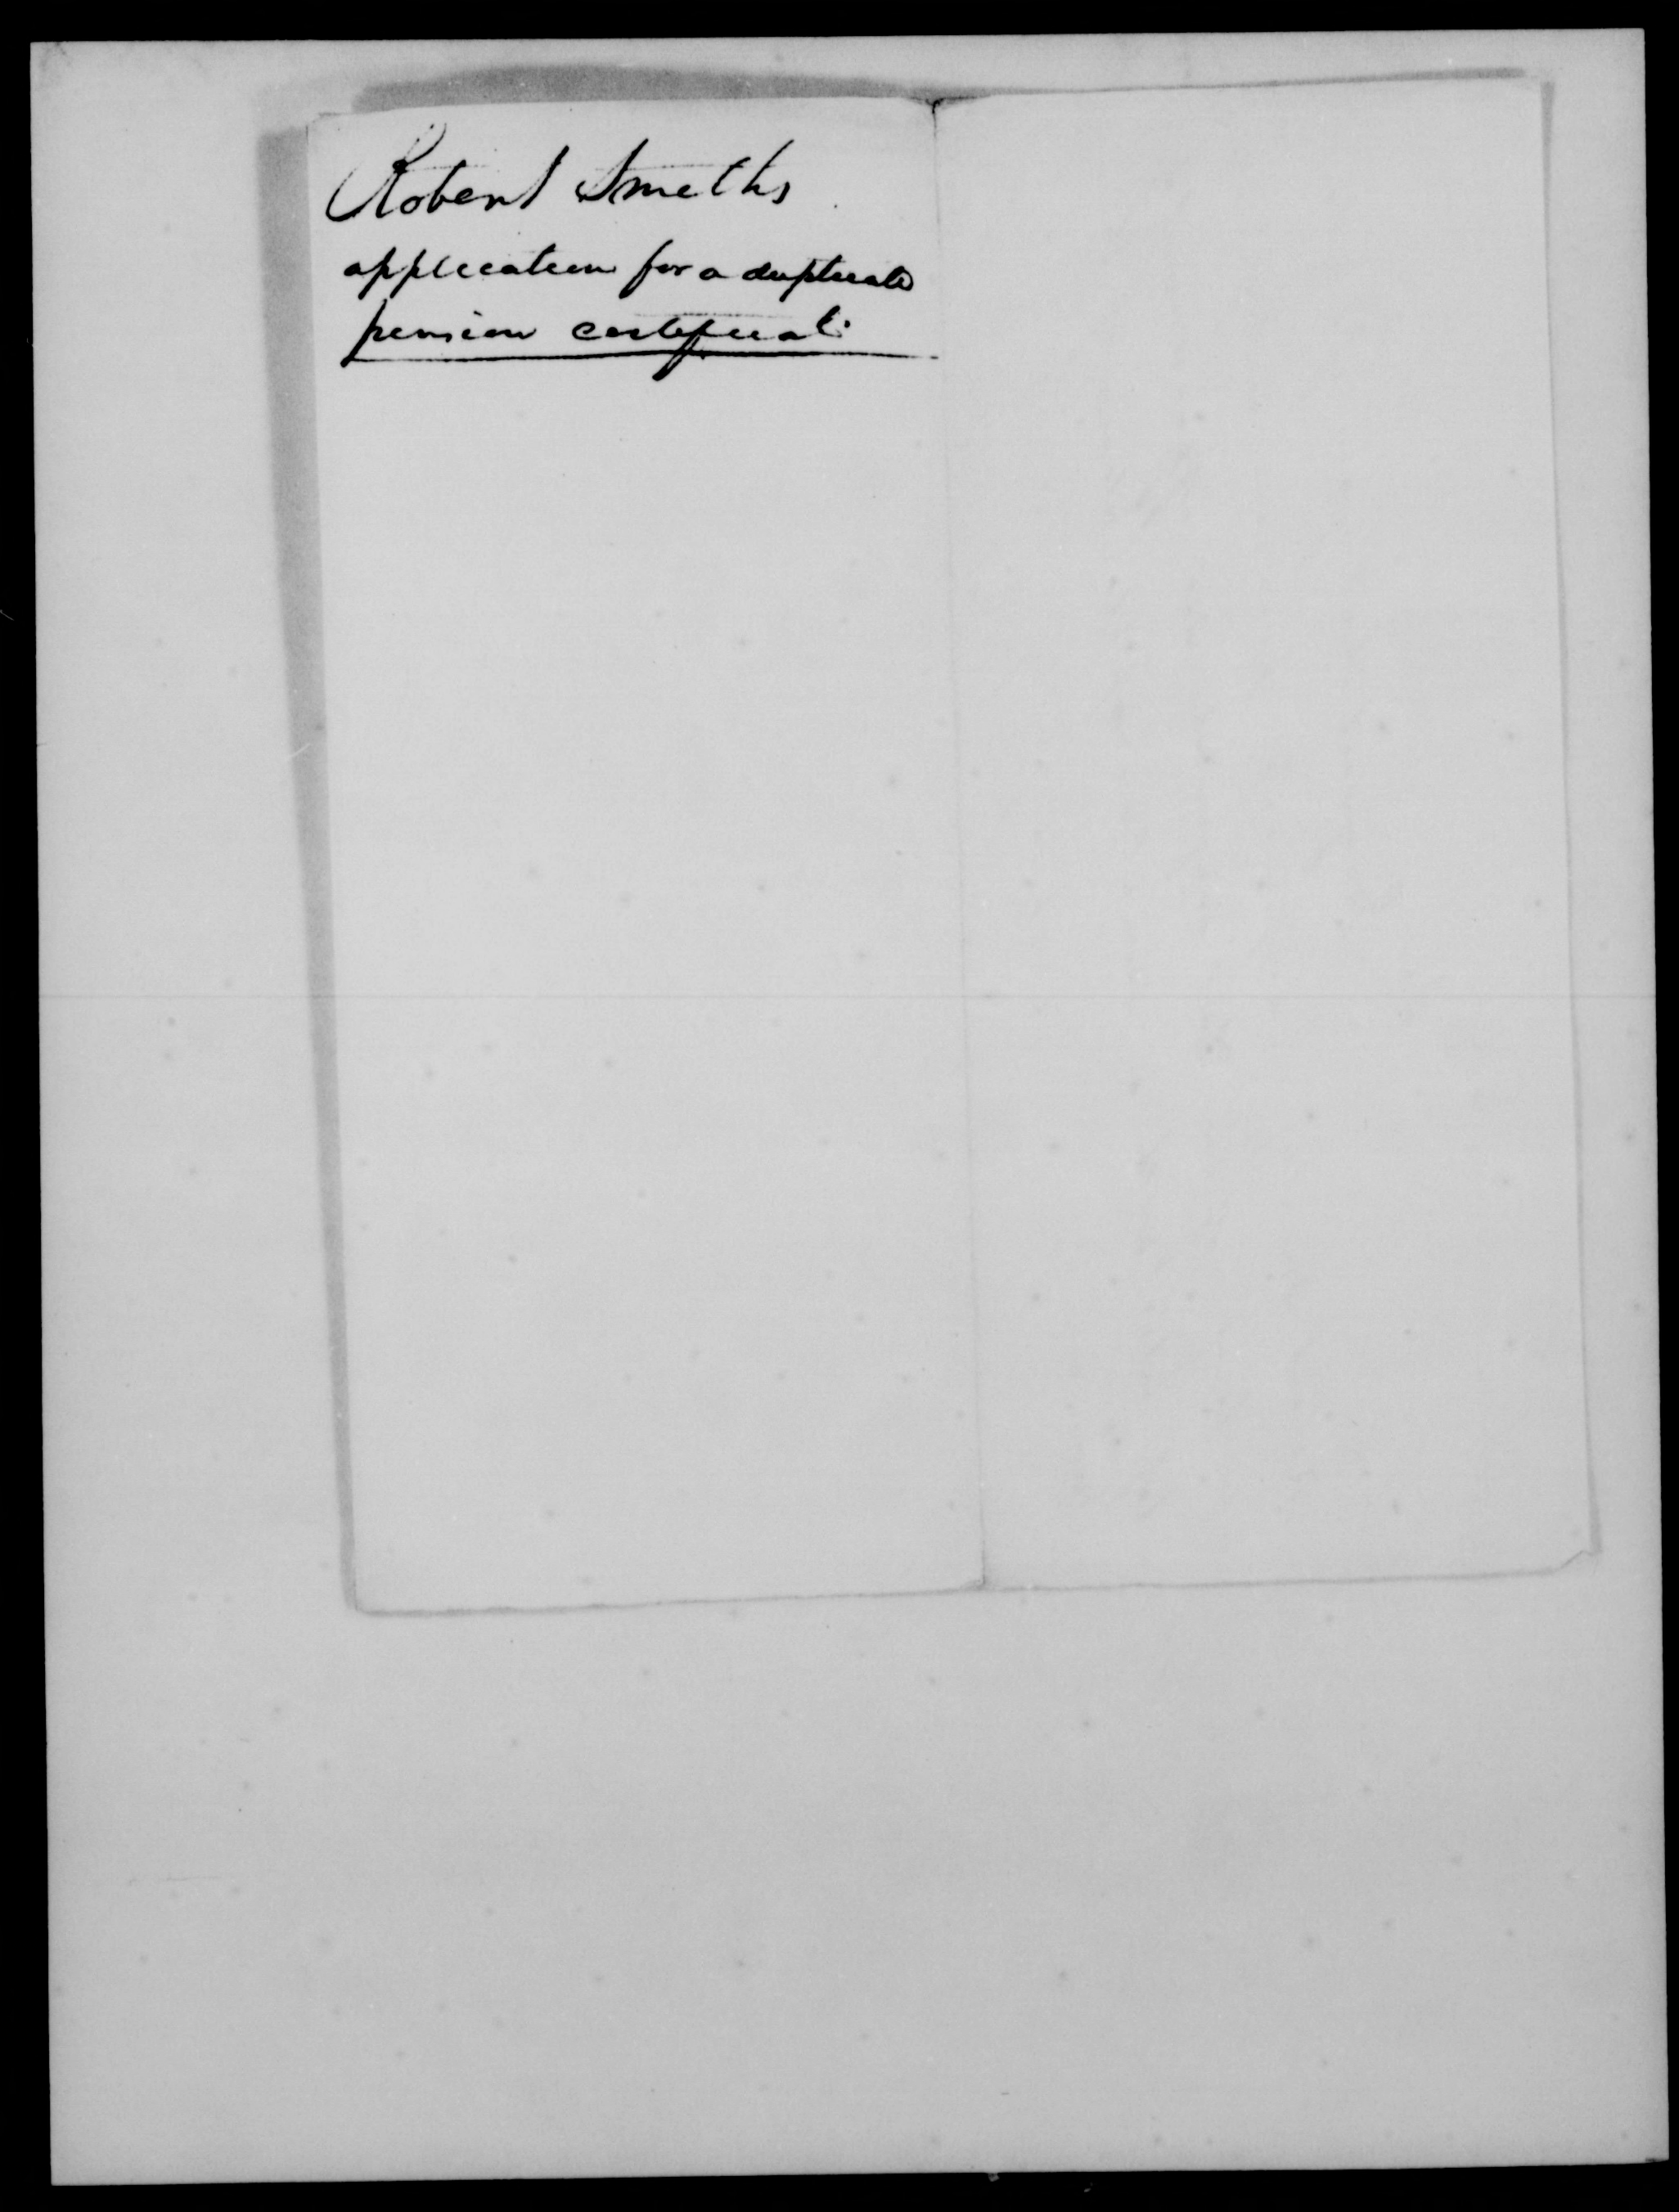Robert Smith
application for a duplicate
pension certificate
__________________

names: Robert Smith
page: 50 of 79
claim: widow's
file: W. 1504, for Robert Smith, North Carolina